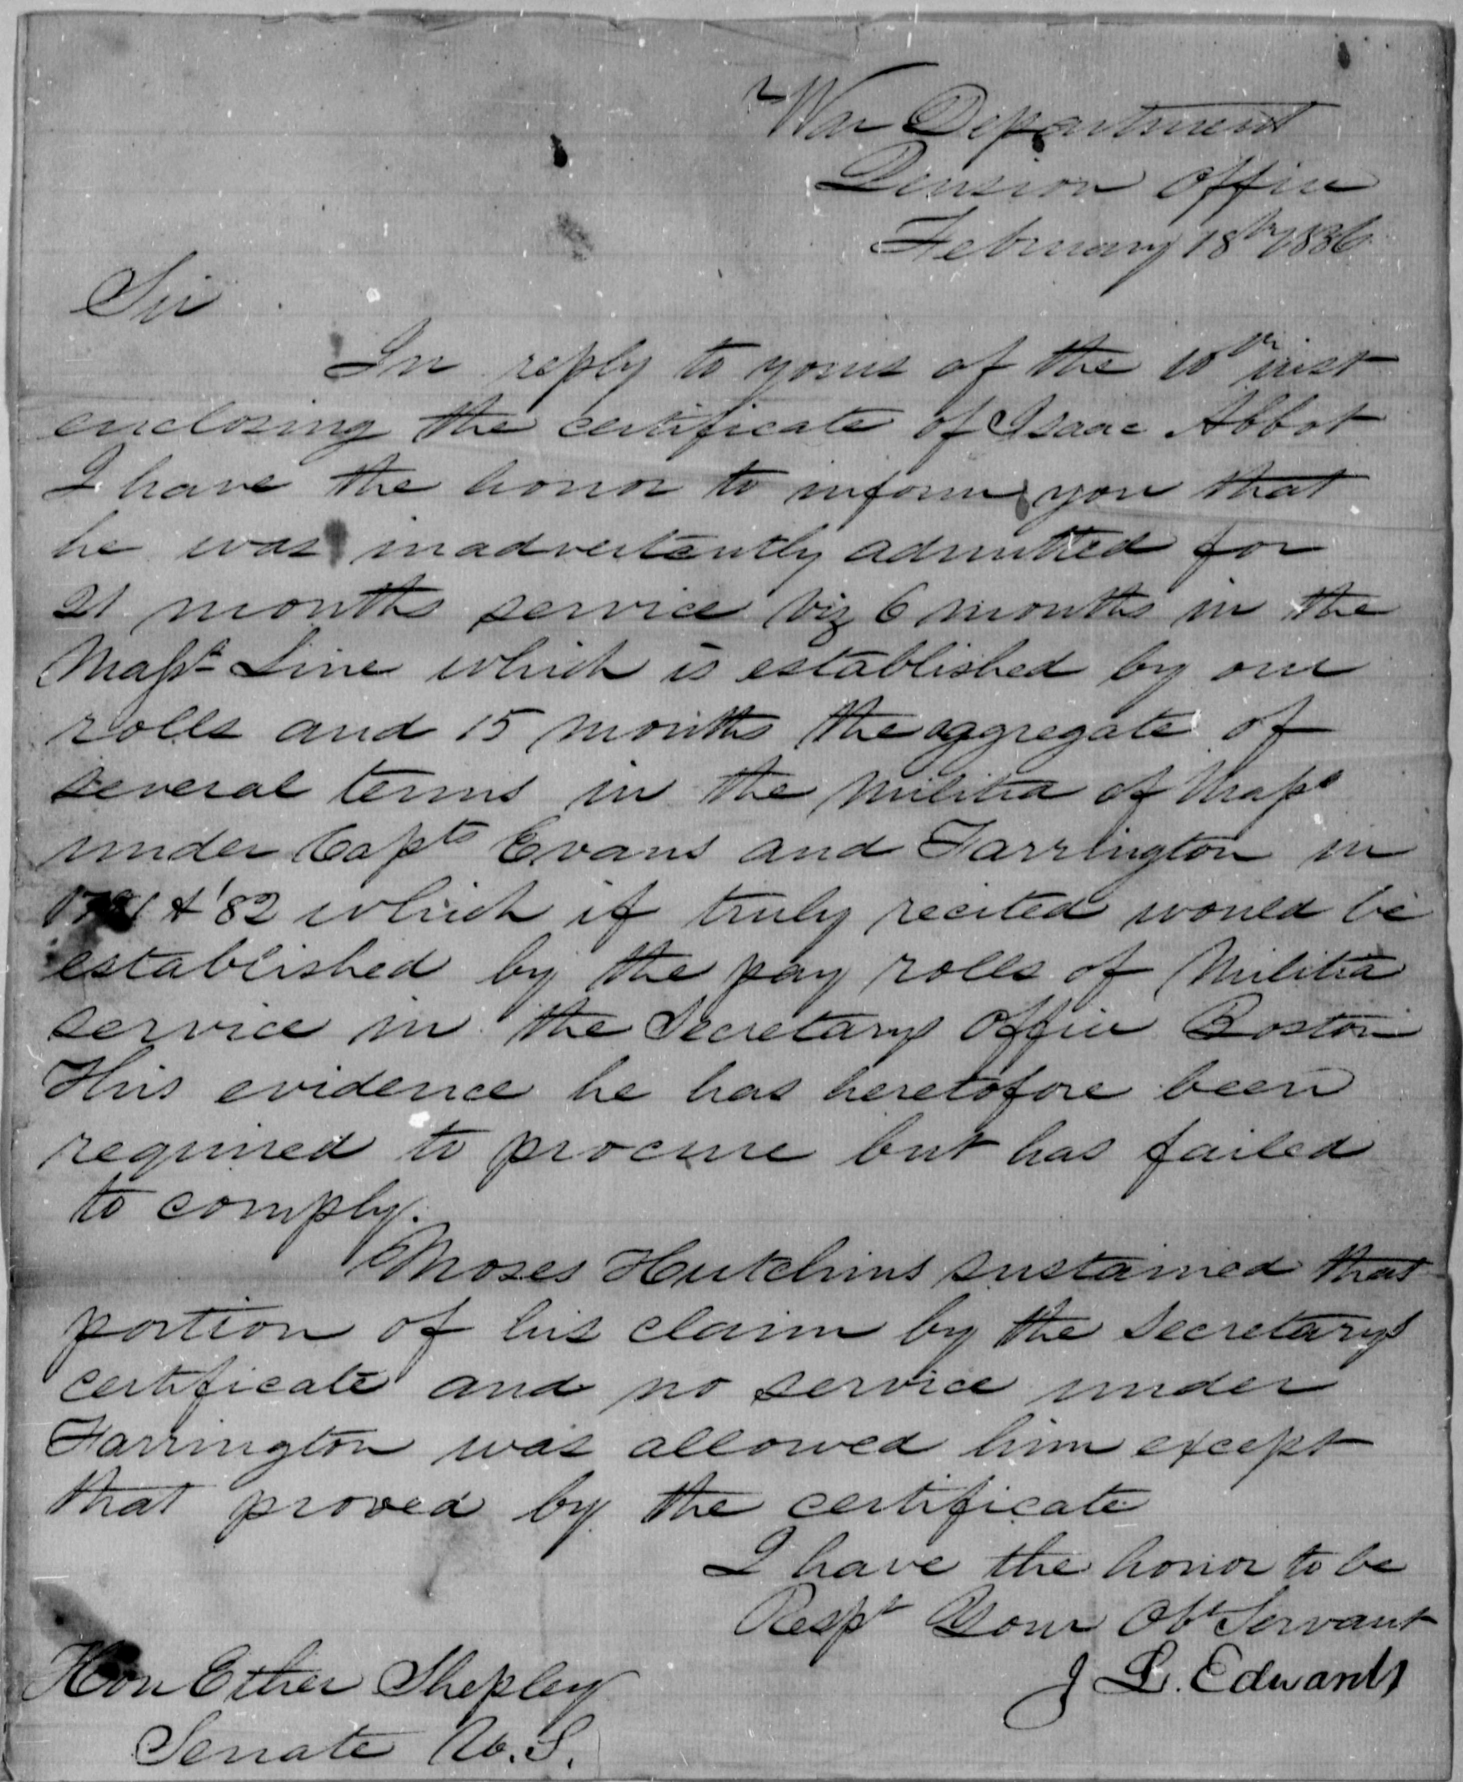War Department
Pension Office
February 18th, 1836

Sir,
In reply to yours of the 10th [illegible] enclosing the certificate of Isaac Abbott, I have the honor to inform you that he was inadvertently admitted for 21 months service viz 6 months in the Mass. Line, which is established by our rolls and 15 months the aggregate of several terms in the militia of Mass. under Capt. Evans and Farrington in 1781 + '82, which if truly recited would be established by the pay rolls of militia service in the Secretary Office, Boston. This evidence he has heretofore been required to procure but has failed to comply.
Moses Hutchins sustained that portion of his claim by the Secretary's Certificate and no service under Farrington was allowed him except that proved by the Certificate.
I have the honor to be
Resp. Your Obe'd Servant
[SIGNED: J. L. Edwards]

Hon. Esther Shepley
Senate U.S.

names: Evans, Farrington, Isaac Abbot, Moses Hutchins, J L Edwards, Farrington, Ether Shepley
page: 47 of 86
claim: survivor's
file: S 29,568, Isaac Abbot, Mass